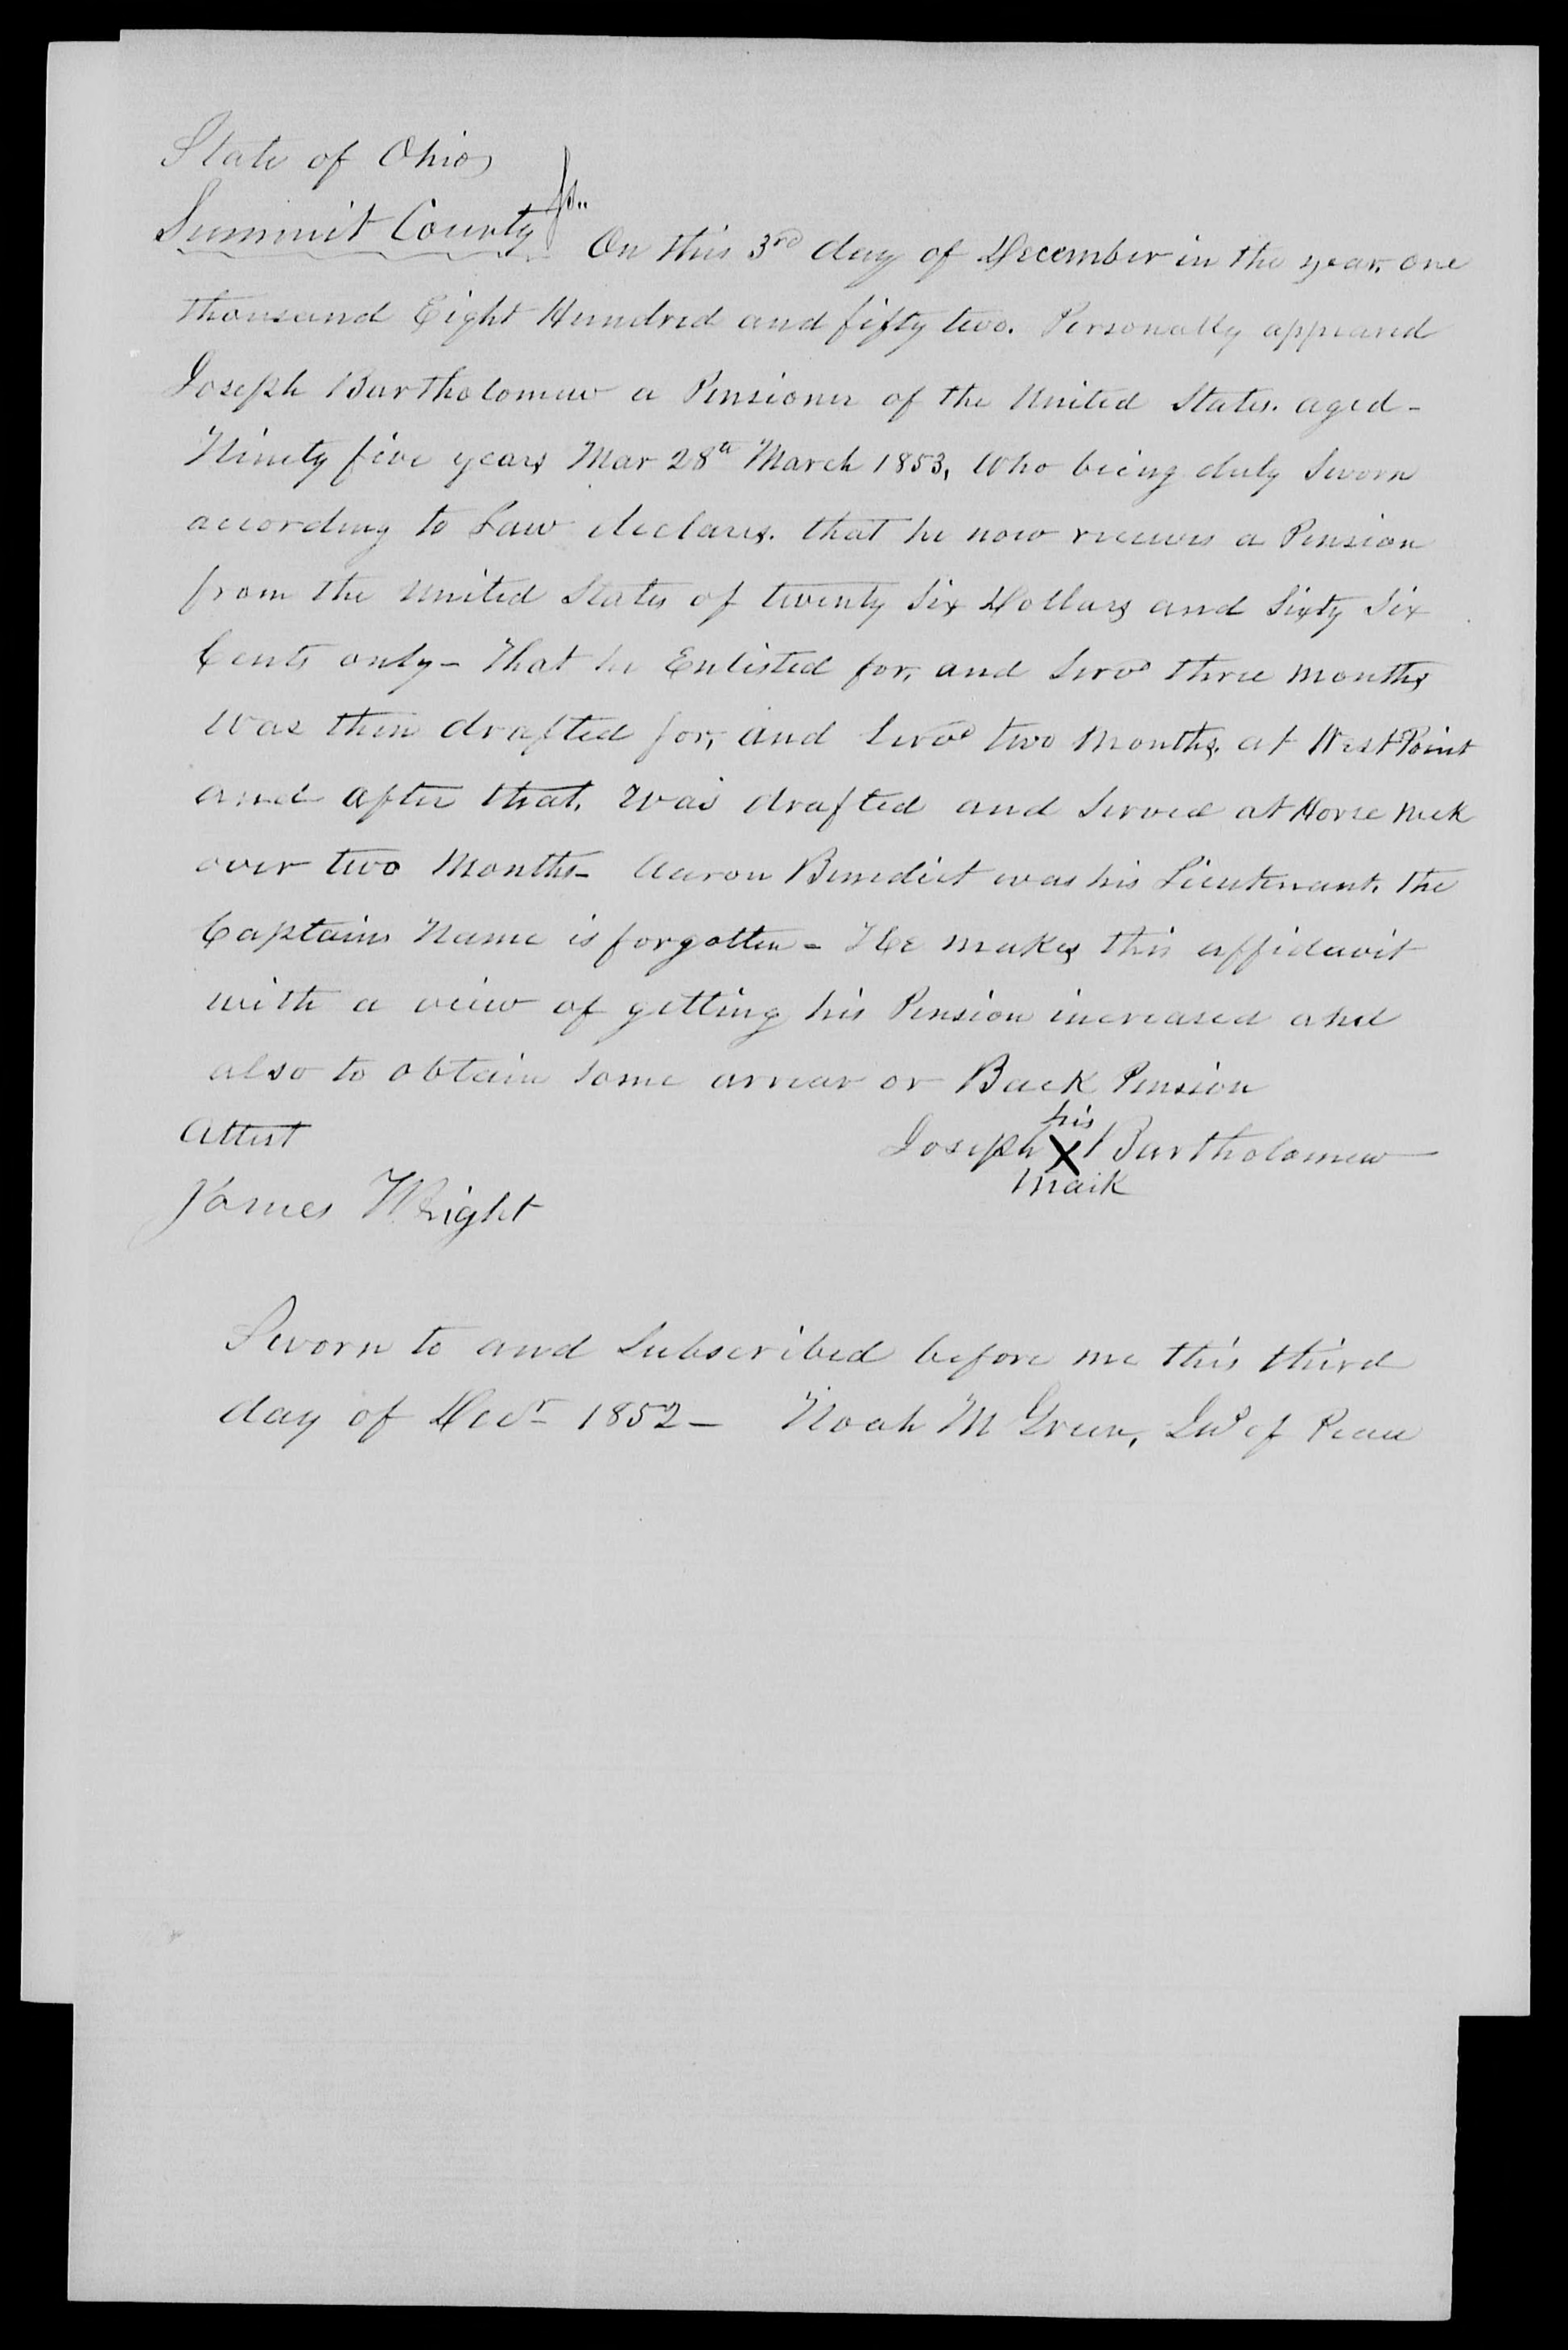State of Ohio
Summit County. On this 3rd day of December in the year one
thousand Eight Hundred and fifty two. Personally appeared
Joseph Bartholomew a Pensioner of the United States, aged
Ninety five years Mar 28th March 1853, who being duly sworn
according to Law declares that he now receives a pension
from the United States of twenty Six Dollars and Sixty Six
Cents only - That he enlisted for, and serve three months
was then drafted for, and servd two months at West Point
and after that, was drafted and served at Horse Neck
over two months- Aaron Benedict was his Lieutenant, the
Captains name is forgotten - He makes this affidavit
with a view of getting his Pension increased and
also to obtain some arrear or Back pension
Attest                                                            his
James Wright                                     Joseph   X   Bartholomew
                                                                    Mark
Sworn to and subscribed before me this third
day of Decr 1852, Noah M Green, Jus of Peace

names: Noah M Green, Aaron Benedict, James Wright, Joseph Bartholomew, Joseph Bartholomew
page: 58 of 76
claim: widow's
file: W. 9345, Joseph Bartholomew, Conn.